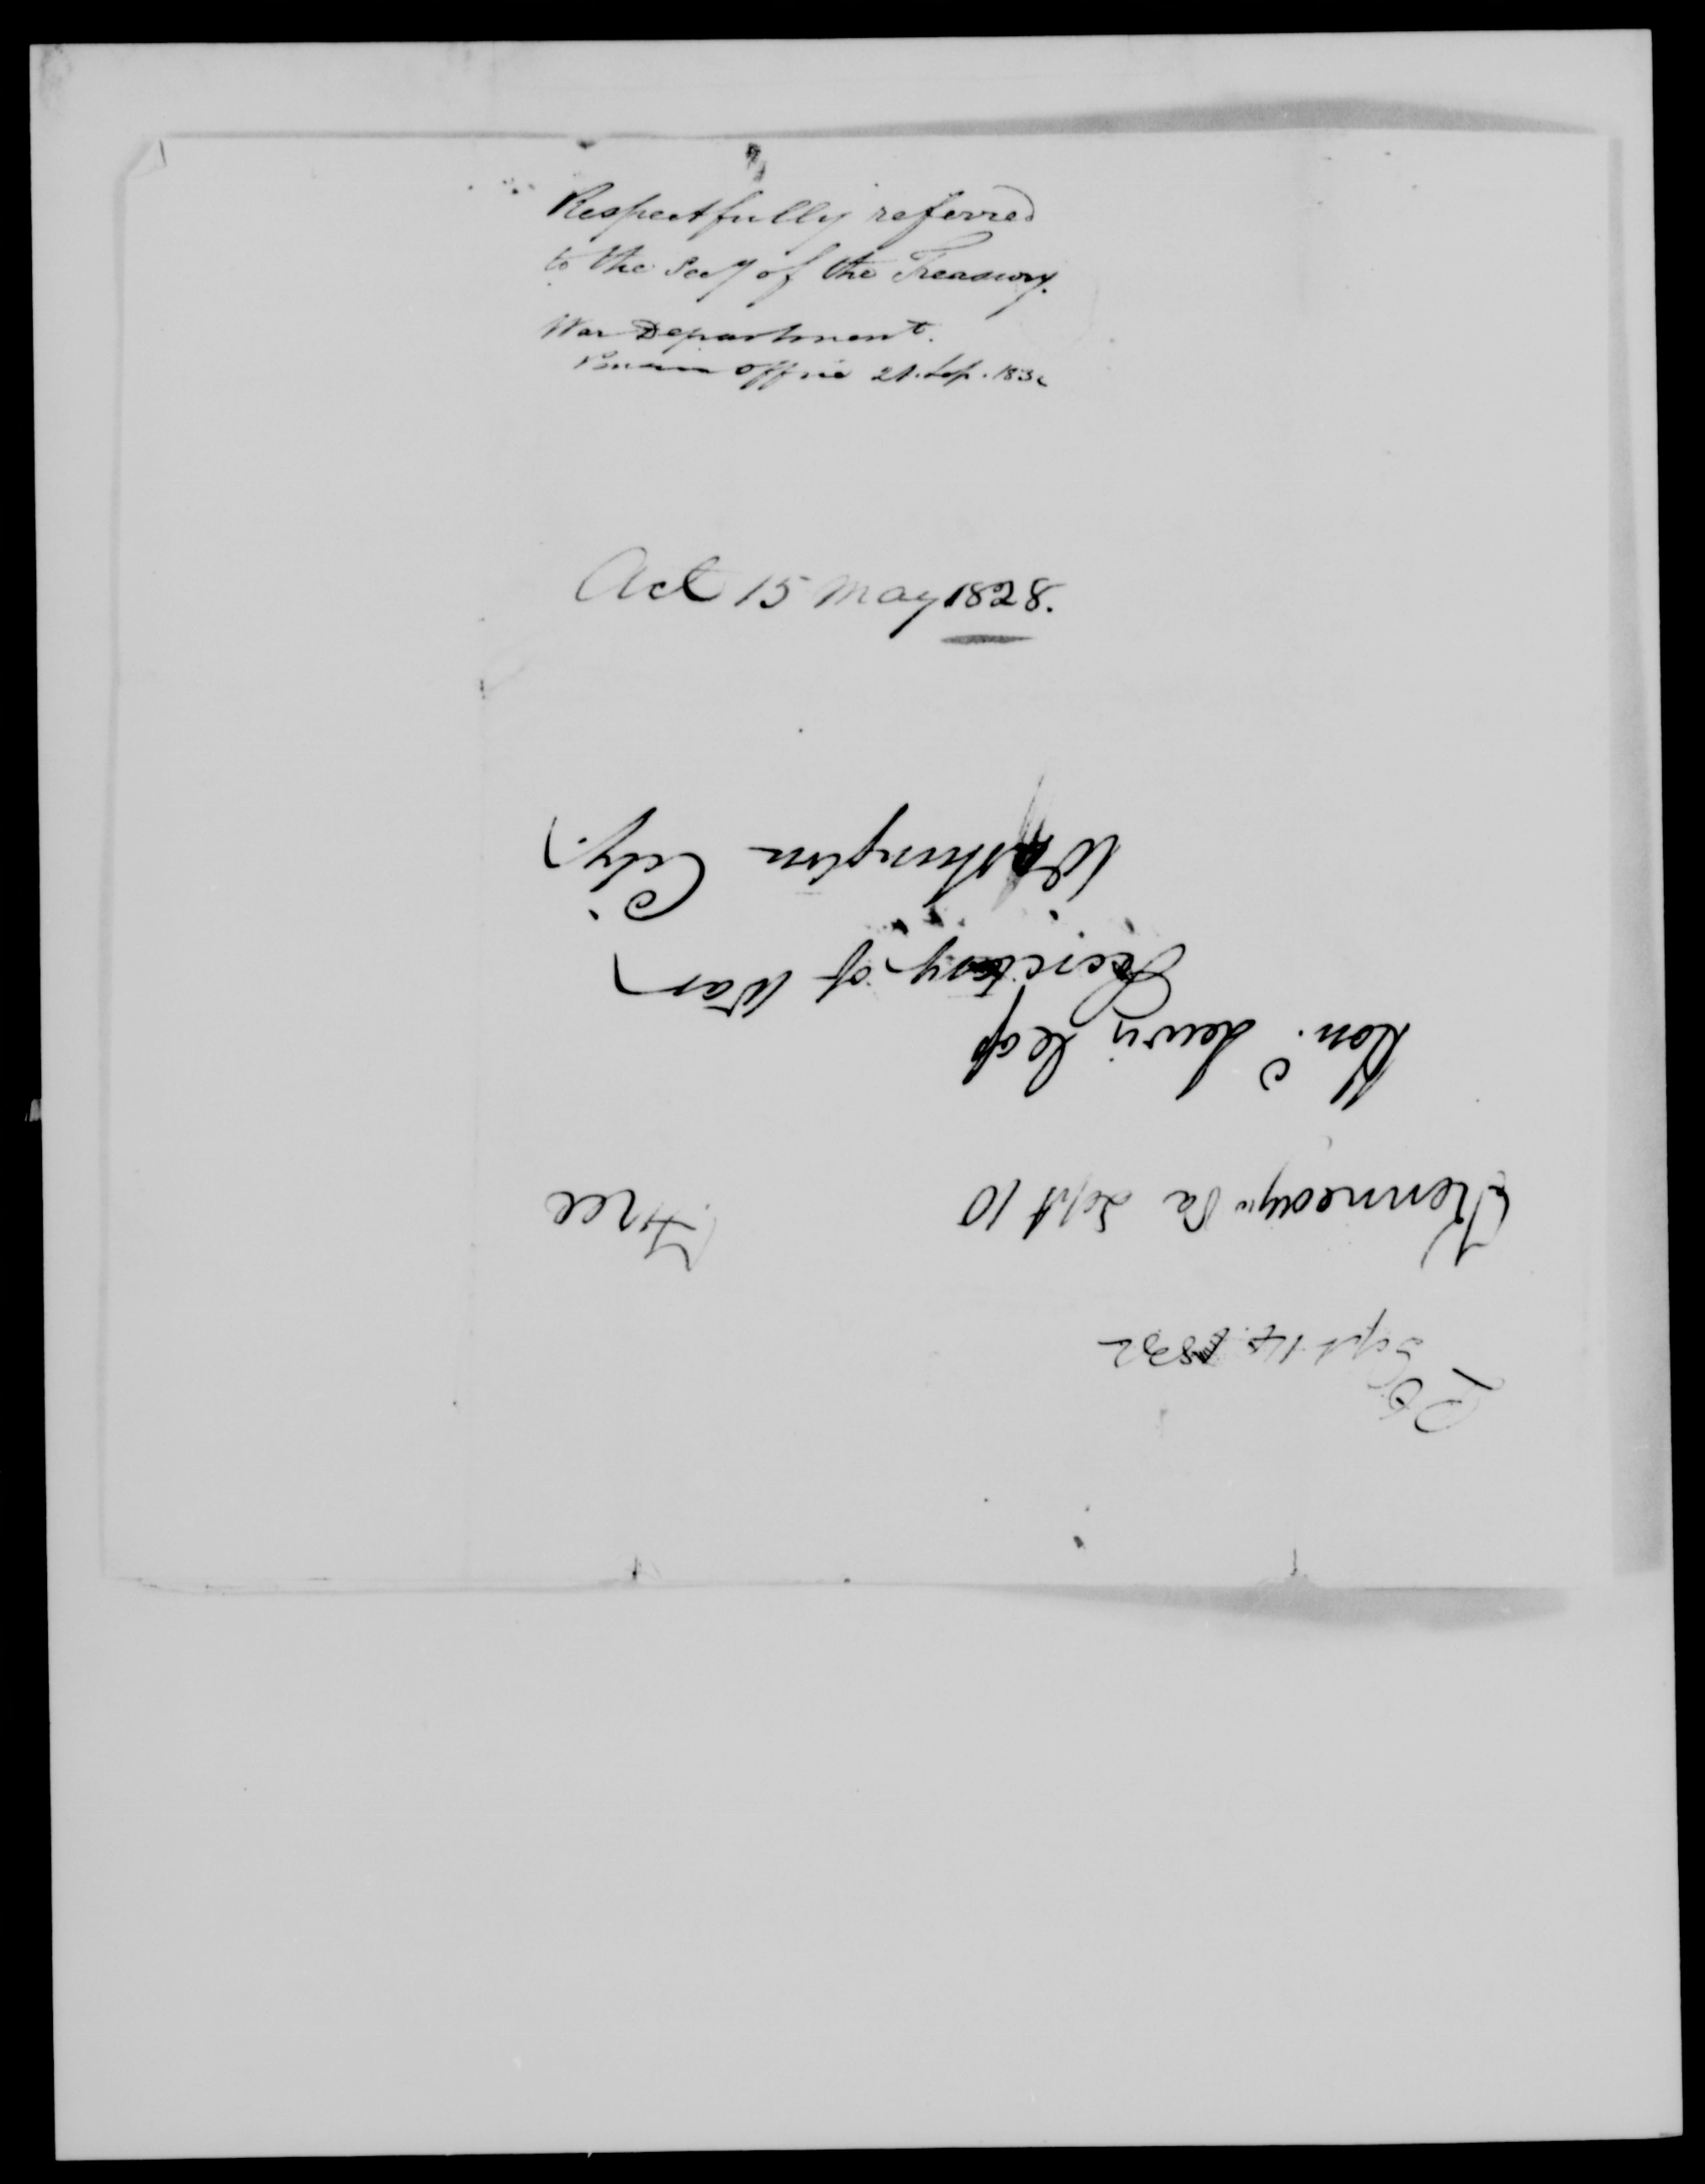Respectfully referred
to the Secy of the Treasury.
War Department.
Pension Office 21. Sep. 1832

Act 15 May 1828.

PO
Sept 14. 1832
Kennedy, Va Sept 10 Free
Hon. Lewis Cass
Secretary of War
Washington City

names: Lewis Coss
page: 20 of 32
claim: survivor's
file: S. 16020, Thomas Whitlock, Va.